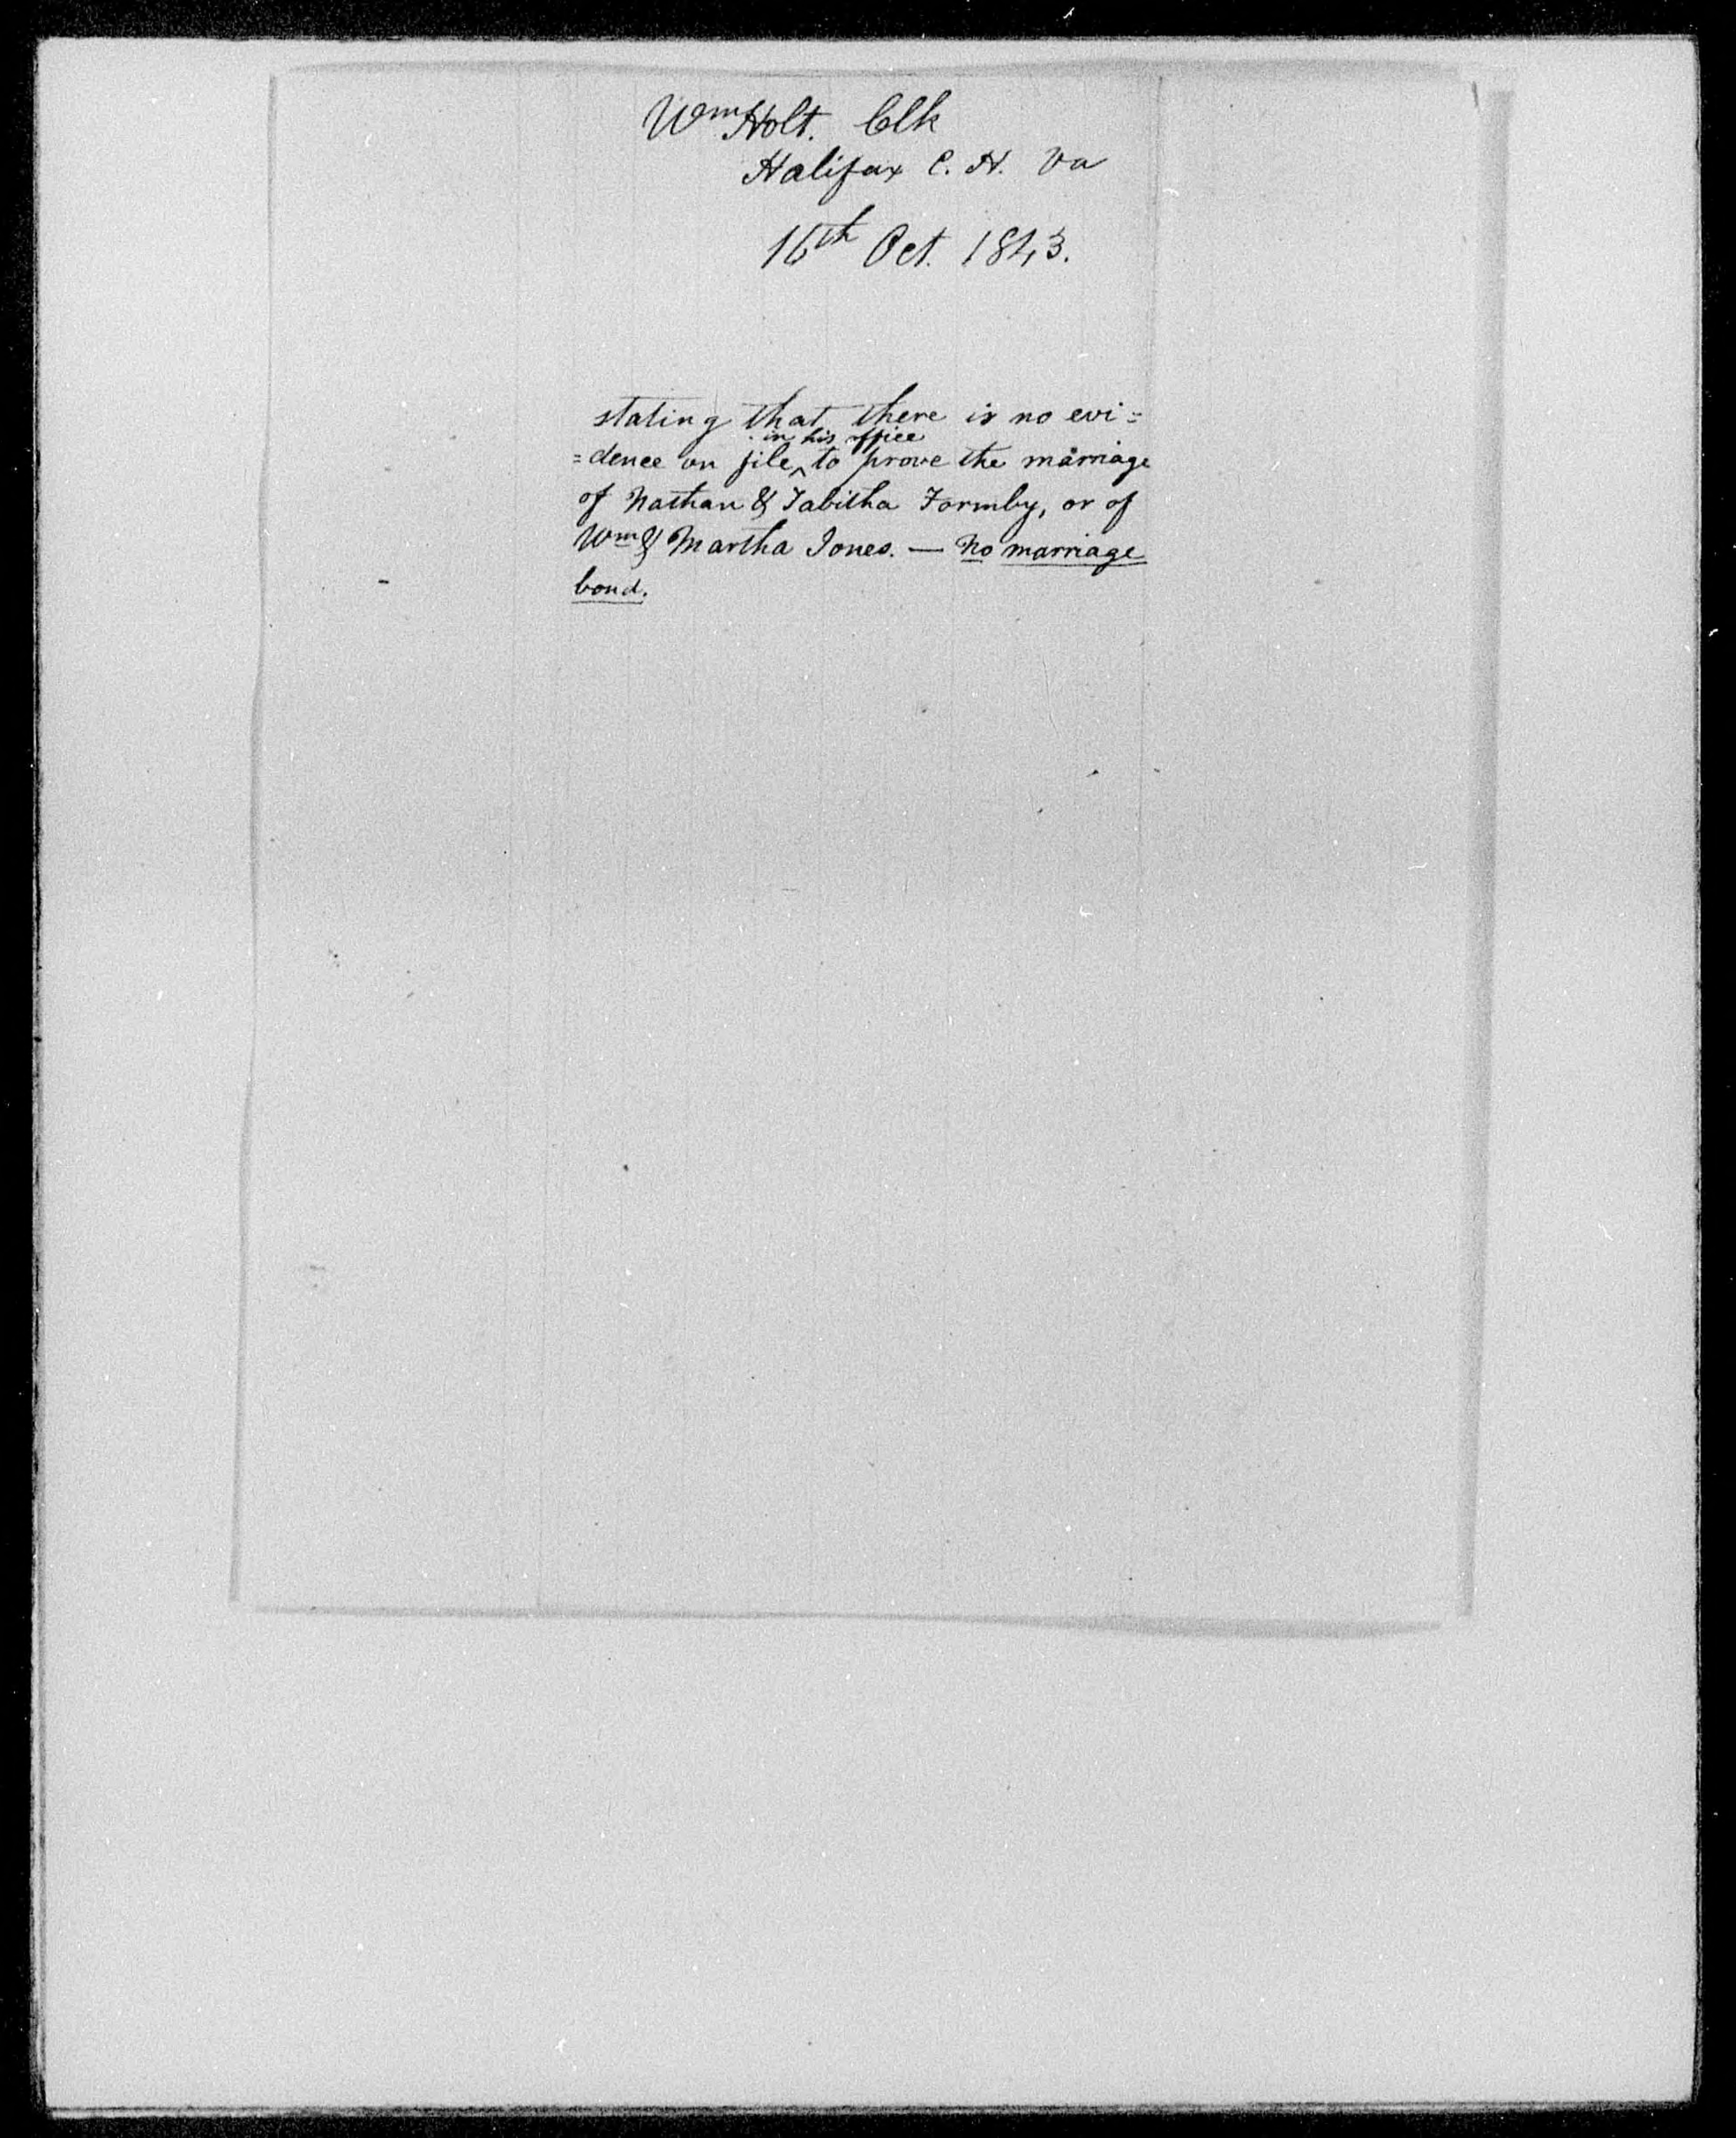Wm Holt. Clk
Halifax C. H. Va
16th Oct. 1843.

stating that there is no evidence on file in his office to prove the marriage of Nathan & Tabitha Formby, or of Wm & Martha Jones. - [begin underline] no marriage bond. [end underline]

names: Martha Jones, Wm Holt, Nathan Formby, Tabitha Formby, Wm Jones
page: 33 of 54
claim: widow's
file: W. 3794, Nathan Formby, Va.